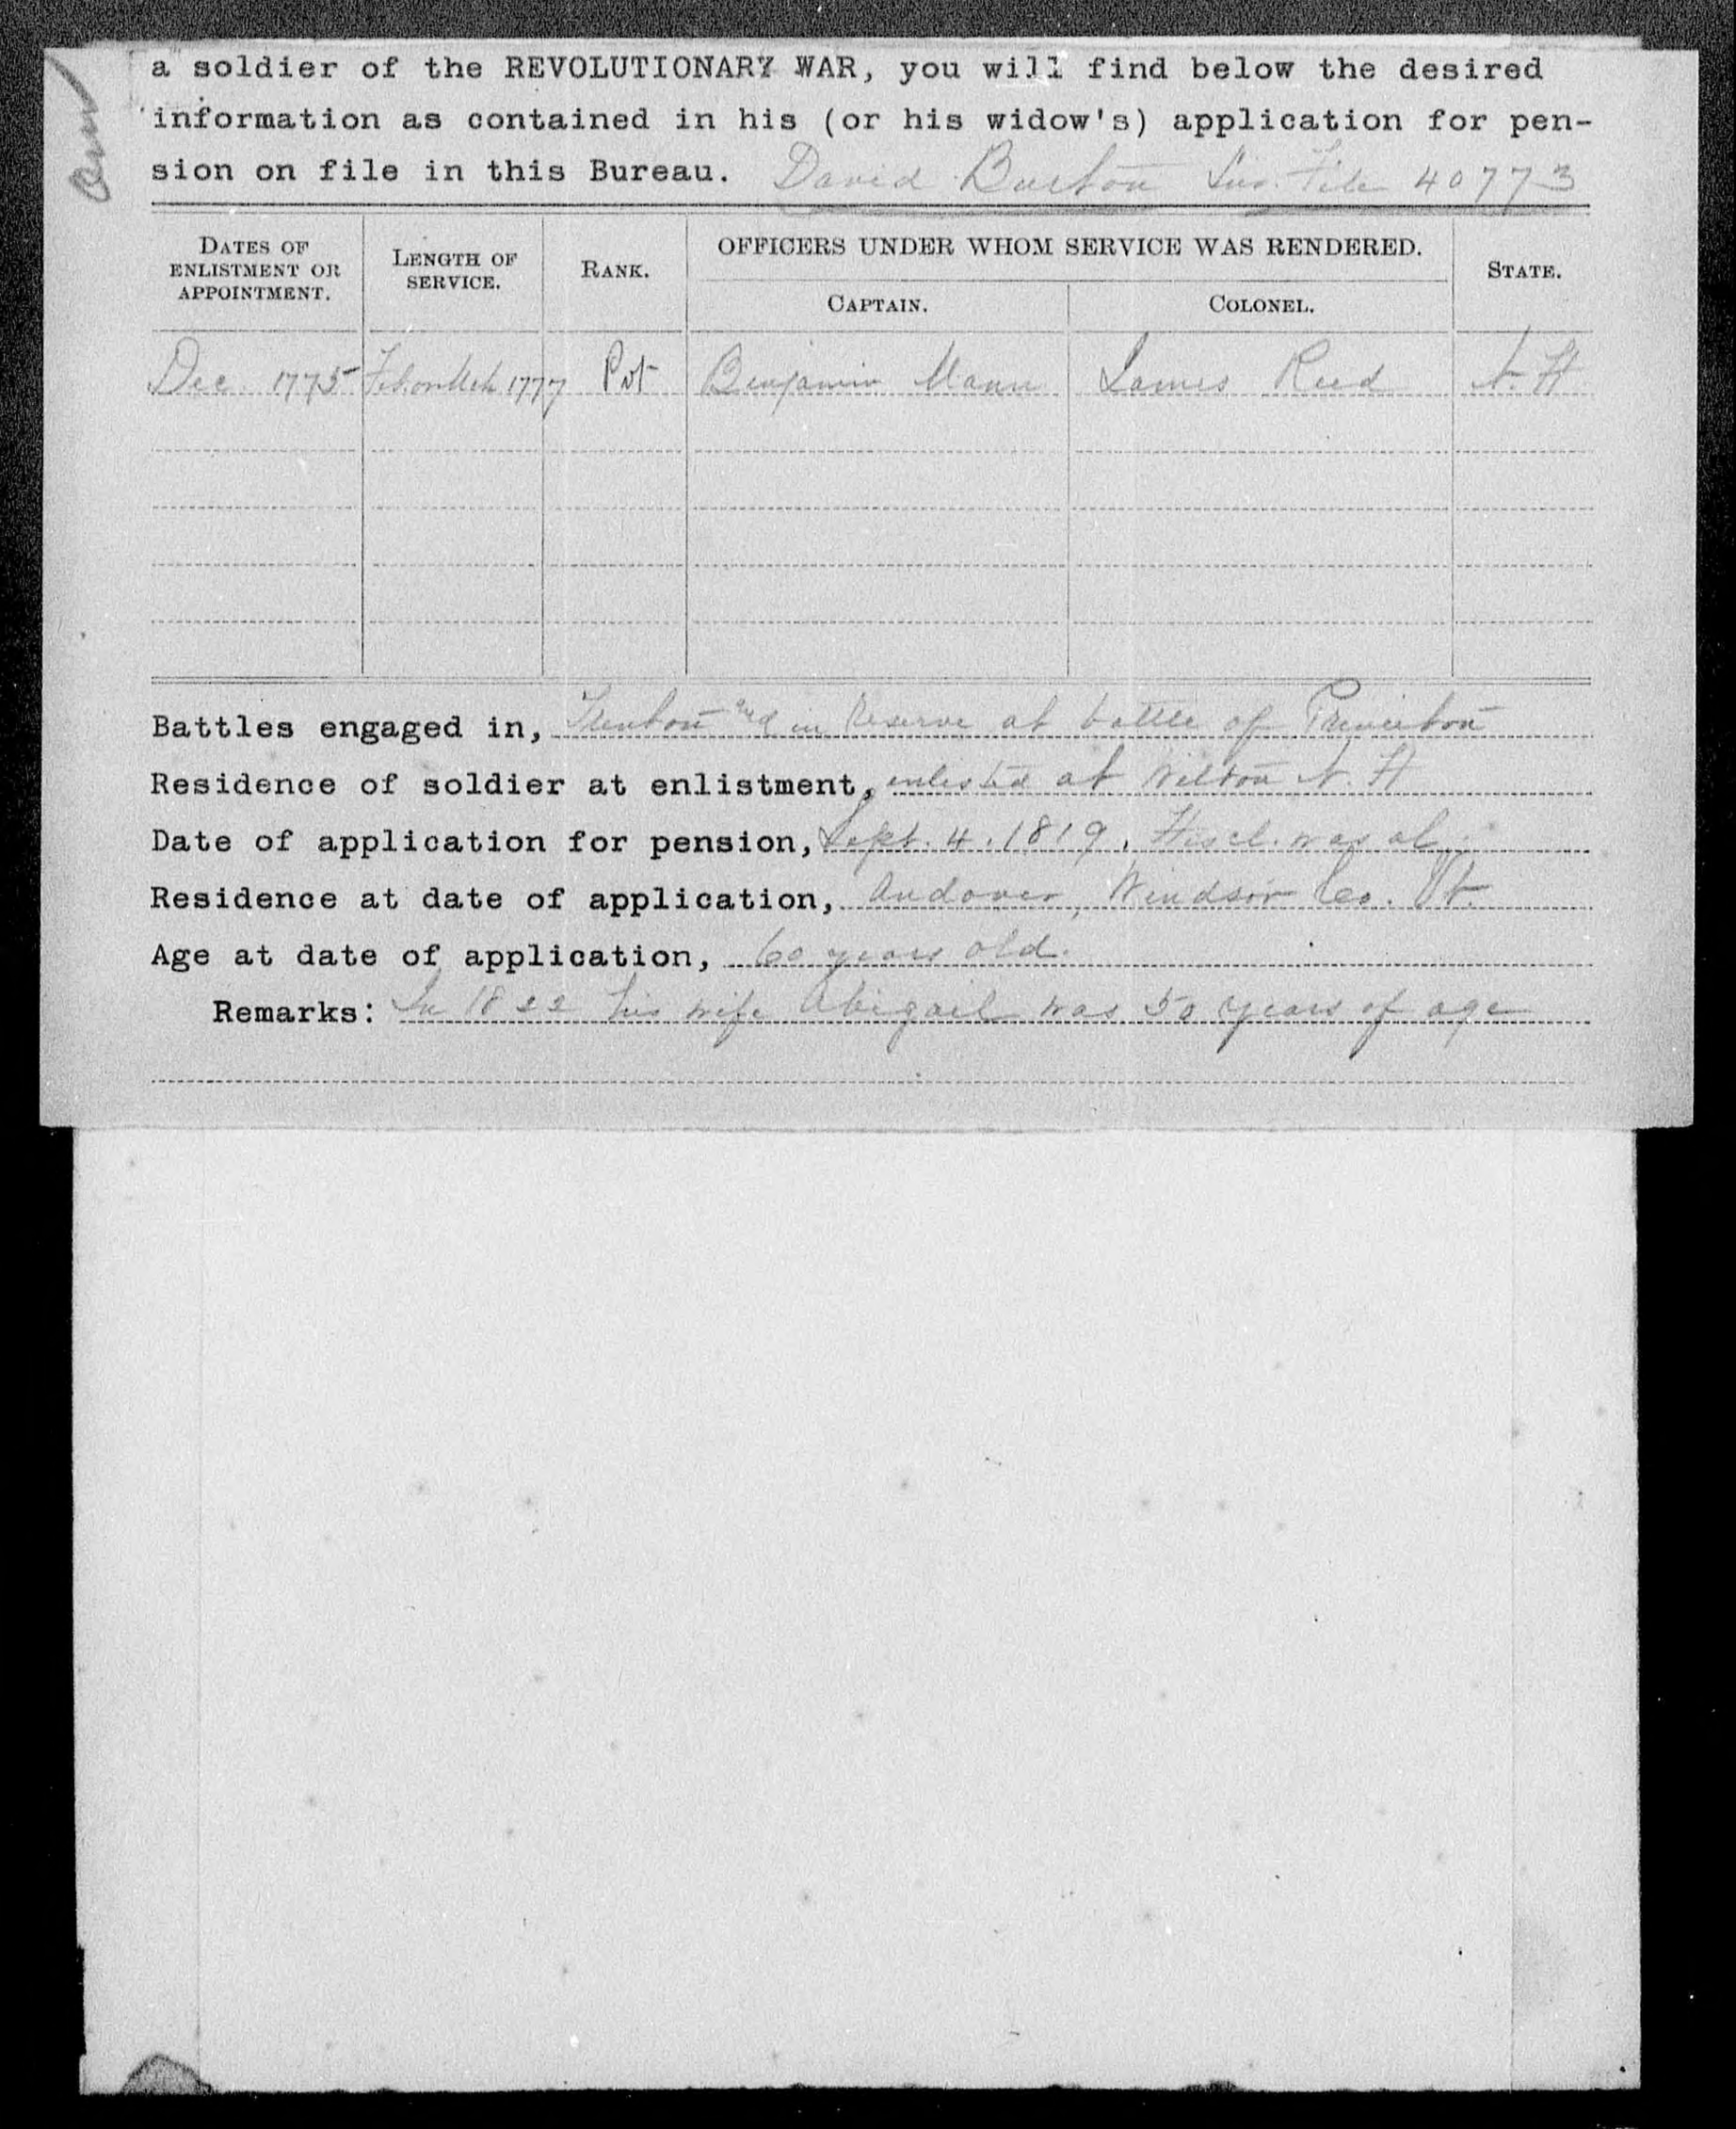a soldier of the REVOLUTIONARY WAR, you will find below the desired information as contained in his (or his widow's) application for pension on file in this Bureau.
David Burton Sur File 40773
DATES OF ENLISTMENT OR APPOINTMENT. Dec. 1775
LENGTH OF SERVICE. Feb and Mar 1777
RANK, Pvt
 OFFICERS UNDER WHOM SERVICE WAS RENDERED.
CAPTAIN Benjamin Mann  COLONEL James Reed
STATE.N.H.
Battles engaged in, Trenton and in reserve at battle of Princeton
Residence of soldier at enlistment, Enlisted at Wilton N. H.
Date of application for pension, Sept 4, 1819. His cl. was al
Residence at date of application, Andover, Windsor Co. Vt.
Age at date of application, 60 years old.
Remarks: In 1828 his wife Abigail was 50 years of age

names: James Reed, Benjamin Mann, David Burton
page: 13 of 18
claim: survivor's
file: S. 40773, David Burton, N.H.